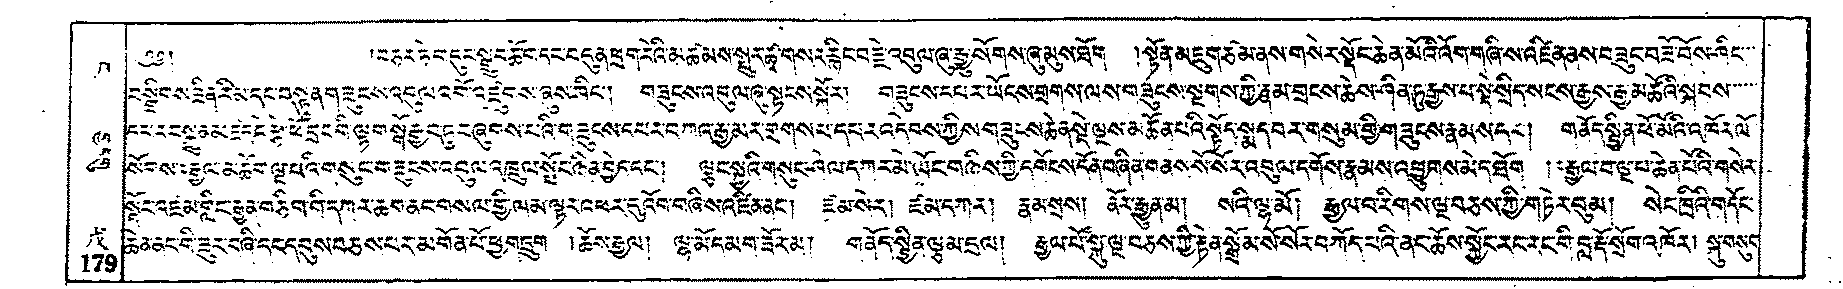༄༅། །བཅར་ཏེ་གདུང་སྒྲུབ་ཆོག་དང་བདུན་ཕྲག་རེའི་མཚམས་སྤུར་ཚྭ་གསར་རྙིང་བརྗེ་འབུལ་ཞུ་རྒྱུ་སོགས་ཞུ་མུས་ཐོག །སྟོན་མཇུག་ཙམ་ནས་གསེར་སྡོང་ཆེན་མོའི་འོག་གཞིས་འཛིན་ནས་བཟུང་བཟོ་བོས་ཤིང་
བསྒྲིགས་ཟིན་རིམ་དང་བསྟུན་གཟུངས་འབུལ་འགོ་འཛུགས་ཞུས་ཤིང་། གཟུངས་འབུལ་ཞུ་སྟངས་སྐོར། གཟུངས་དཔར་ཡོངས་གྲགས་ལས་གཟུངས་སྔགས་ཀྱི་རྣམ་གྲངས་ཆེས་ཤིན་ཏུ་རྒྱས་པ་སྡེ་སྲིད་སངས་རྒྱས་རྒྱ་མཚོའི་སྐབས་
དཔར་བསྐྲུན་མཛད་དེ་རྩེ་ཕོ་བྲང་གི་ལྟག་སྒོ་རྒྱབ་ཏུ་བཞུགས་པའི་གཟུངས་དཔར་བཀའ་རྒྱ་མར་གྲགས་པ་དཔར་འདེབས་ཀྱིས་གཟུངས་ཆེན་སྡེ་ལྔས་མཚོན་པའི་སྟོད་སྨད་བར་གསུམ་གྱི་གཟུངས་རྣམས་དང་། གནོད་སྦྱིན་ཕོ་མོའི་འཁོར་ལོ་
སོགས་རྒྱལ་མཆོག་ལྔ་པའི་གསུང་གཟུངས་འབུལ་འཁྲུལ་སྤོང་ཉིན་བྱེད་དང་། ལྕང་སྐྱའི་གསུང་ཤེལ་དཀར་མེ་ལོང་གཉིས་ཀྱི་དགོངས་དོན་བཞིན་གནས་སོ་སོར་འབུལ་དགོས་རྣམས་འཕྱུགས་མེད་ཐོག །༧རྒྱལ་བ་ལྔ་པ་ཆེན་པོའི་གསེར་
སྡོང་འཛམ་གླིང་རྒྱན་གཅིག་གི་དཀར་ཆག་ནང་གསལ་གྱི་ལམ་ལྟར་འཕར་དུ་འོག་གཞི་ས་འཛིན་ནང་། ཛམ་སེར། ཛམ་དཀར། རྣམ་སྲས། ནོར་རྒྱུན་མ། སའི་ལྷ་མོ། རྒྱལ་བ་རིགས་ལྔ་བཅས་ཀྱི་གཏེར་བུམ། སེང་ཁྲིའི་གདོང་
ཆེན་ནང་གི་ཟུར་བཞི་དང་དབུས་བཅས་པར་མགོན་པོ་ཕྱག་དྲུག །ཆོས་རྒྱལ། ལྷ་མོ་དམག་ཟོར་མ། གནོད་སྦྱིན་ལྕམ་དྲལ། རྒྱལ་པོ་སྐུ་ལྔ་བཅས་ཀྱི་རྟེན་སྒྲོམ་སོ་སོར་བཀོད་པའི་ནང་ཆོས་སྐྱོང་རང་རང་གི་བླ་རྡོ་སྲོག་འཁོར། སྐུ་གསུང་